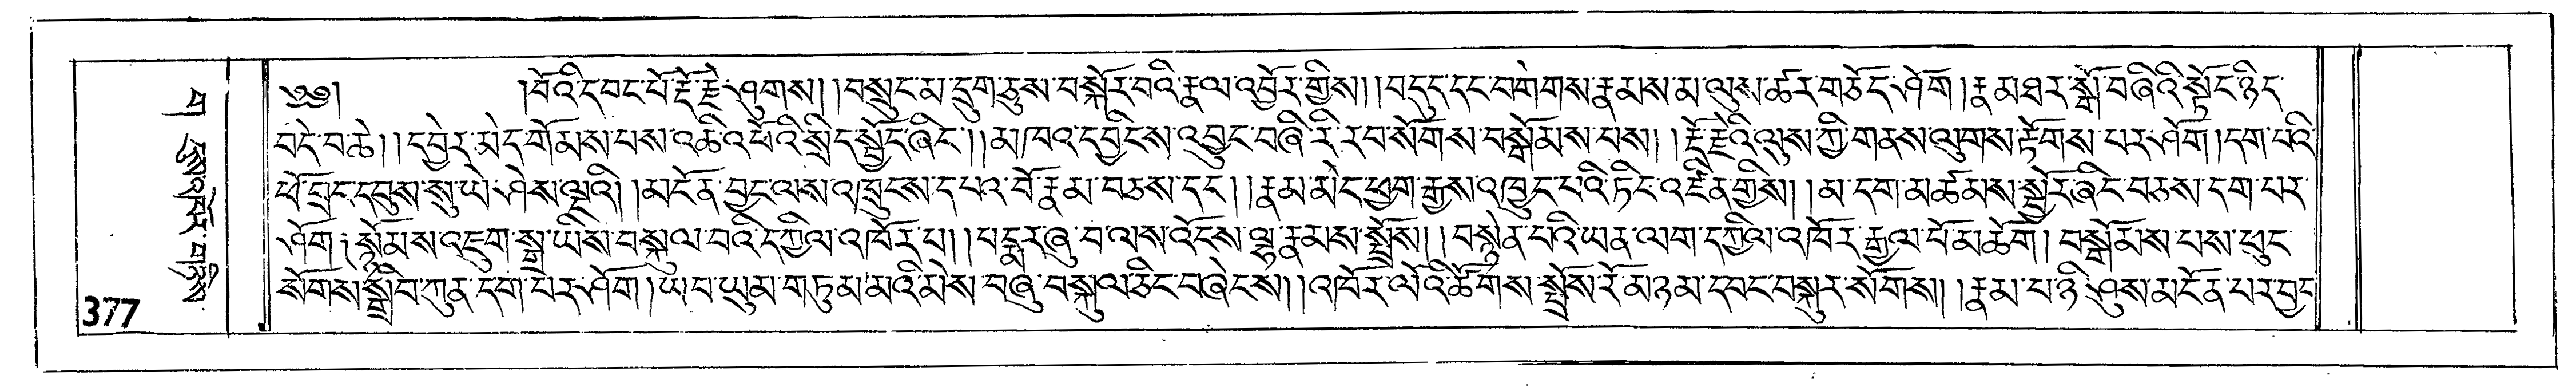༄༅། །བོའི་དབང་པོ་རྡོ་རྗེ་ཤུགས། །བསྲུང་མ་དྲུག་ཅུས་བསྐོར་བའི་རྣལ་འབྱོར་གྱིས། །བདུད་དང་བགེགས་རྣམས་མ་ལུས་ཚར་གཅོད་ཤོག །རྣམ་ཐར་སྒོ་བཞིའི་སྟོང་ཉིད་
བདེ་བ་ཆེ། །དབྱེར་མེད་གོམས་པས་འཆི་འཕོའི་སྲིད་སྦྱོང་ཞིང་། །མཁའ་དབྱིངས་འབྱུང་བཞི་རི་རབ་སོགས་བསྒོམས་པས། །རྡོ་རྗེའི་ལུས་ཀྱི་གནས་ལུགས་རྟོགས་པར་ཤོག །དག་པའི་
ཕོ་བྲང་དབུས་སུ་ཡེ་ཤེས་ལྔའི། །མངོན་བྱང་ལས་འཁྲུངས་དཔའ་བོ་རྣམ་བཅས་དང་། །རྣམ་མེད་ཕྱག་རྒྱས་འཁྱུད་པའི་ཏིང་འཛིན་གྱིས། །མ་དག་མཚམས་སྦྱོར་ཞིང་བཅས་དག་པར་
ཤོག །སྙོམས་འཇུག་སྒྲ་ཡིས་བསྐུལ་བའི་དཀྱིལ་འཁོར་པ། །པདམར་ཞུ་བ་ལས་འོངས་ལྷ་རྣམས་སྤྲོས། །བསྙེན་པའི་ཡན་ལག་དཀྱིལ་འཁོར་རྒྱལ་པོ་མཆོག །བསྒོམས་པས་ཕུང་
སོགས་སྒྲིབ་ཀུན་དག་པར་ཤོག །ཡབ་ཡུམ་གཏུམ་མའི་མེས་བཞུ་བསྐུལ་ཅིང་བཞེངས། །འཁོར་ལོའི་ཚོགས་སྤྲོས་རོ་མཉམ་དབང་བསྐུར་སོགས། །རྣམ་པ་ཉི་ཤུས་མངོན་པར་བྱད་